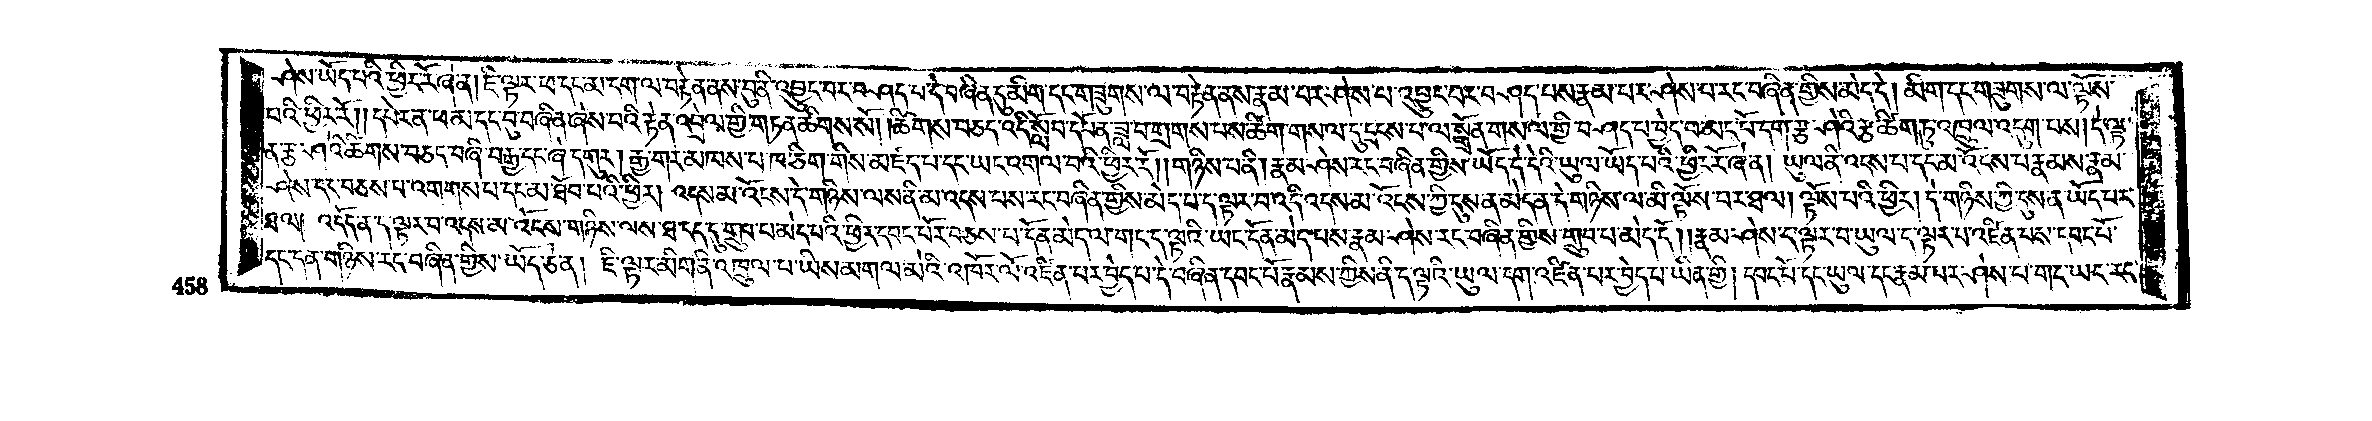ཤེས་ཡོད་པའི་ཕྱིར་རོ་ཞེ་ན། ཇི་ལྟར་ཕ་དང་མ་དག་ལ་བརྟེན་ནས་བུ་ནི་འབྱུང་བར་བཤད་པ་དེ་བཞིན་དུ་མིག་དང་གཟུགས་ལ་བརྟེན་ནས་རྣམ་པར་ཤེས་པ་འབྱུང་བར་བཤད་པས་རྣམ་པར་ཤེས་པ་རང་བཞིན་གྱིས་མེད་དེ། མིག་དང་གཟུགས་ལ་ལྟོས་
པའི་ཕྱིར་རོ། །དཔེར་ན་ཕ་མ་དང་བུ་བཞིན་ཞེས་པའི་རྟེན་འབྲེལ་གྱི་གཏན་ཚིགས་སོ། །ཚིགས་བཅད་འདི་སློབ་དཔོན་ཟླ་བ་གྲགས་པས་ཚིག་གསལ་དུ་དྲངས་པ་ལ་སྒྲོན་གསལ་གྱི་བཤད་པ་བྱེད་པ་མང་པོ་དག་རྩ་ཤེའི་རྩ་ཚིག་ཏུ་འཁྲུལ་འདུག་པས། དེ་ལྟ་
ན་རྩ་ཤེའི་ཚིགས་བཅད་བཞི་བརྒྱ་དང་ཞེ་དགུར། རྒྱ་གར་མཁས་པ་ཁ་ཅིག་གིས་མཛད་པ་དང་ཡང་འགལ་བའི་ཕྱིར་རོ། །གཉིས་པ་ནི། རྣམ་ཤེས་རང་བཞིན་གྱིས་ཡོད་དེ་དེའི་ཡུལ་ཡོད་པའི་ཕྱིར་རོ་ཞེ་ན། ཡུལ་ནི་འདས་པ་དང་མ་འོངས་པ་རྣམས་རྣམ་
ཤེས་དང་བཅས་པ་འགགས་པ་དང་མ་ཐོབ་པའི་ཕྱིར། འདས་མ་འོངས་དེ་གཉིས་ལས་ནི་མ་འདས་པས་རང་བཞིན་གྱིས་མེད་པ་ད་ལྟར་བ་འདི་འདས་མ་འོངས་ཀྱི་དུས་ན་མེད་ན་དེ་གཉིས་ལ་མི་ལྟོས་པར་ཐལ། ལྟོས་པའི་ཕྱིར། དེ་གཉིས་ཀྱི་དུས་ན་ཡོད་པར་
ཐལ། འདོད་ན་ད་ལྟར་བ་འདས་མ་འོངས་གཉིས་ལས་ཐ་དད་དུ་གྲུབ་པ་མེད་པའི་ཕྱིར་དབང་པོར་བཅས་པ་དོན་མེད་ལ་གང་ད་ལྟའི་ཡང་དོན་མེད་པས་རྣམ་ཤེས་རང་བཞིན་གྱིས་གྲུབ་པ་མེད་དོ། །རྣམ་ཤེས་ད་ལྟར་བ་ཡུལ་ད་ལྟར་བ་འཛིན་པས་དབང་པོ་
དང་དོན་གཉིས་རང་བཞིན་གྱིས་ཡོད་ཅེ་ན། ཇི་ལྟར་མིག་ནི་འཁྲུལ་བ་ཡིས་མགལ་མེའི་འཁོར་ལོ་འཛིན་པར་བྱེ་པ་དེ་བཞིན་དབང་པོ་རྣམས་ཀྱིས་ནི་ད་ལྟའི་ཡུལ་དག་འཛིན་པར་བྱེད་པ་ཡིན་གྱི། དབང་པོ་དང་ཡུལ་དང་རྣམ་པར་ཤེས་པ་གང་ཡང་རང་